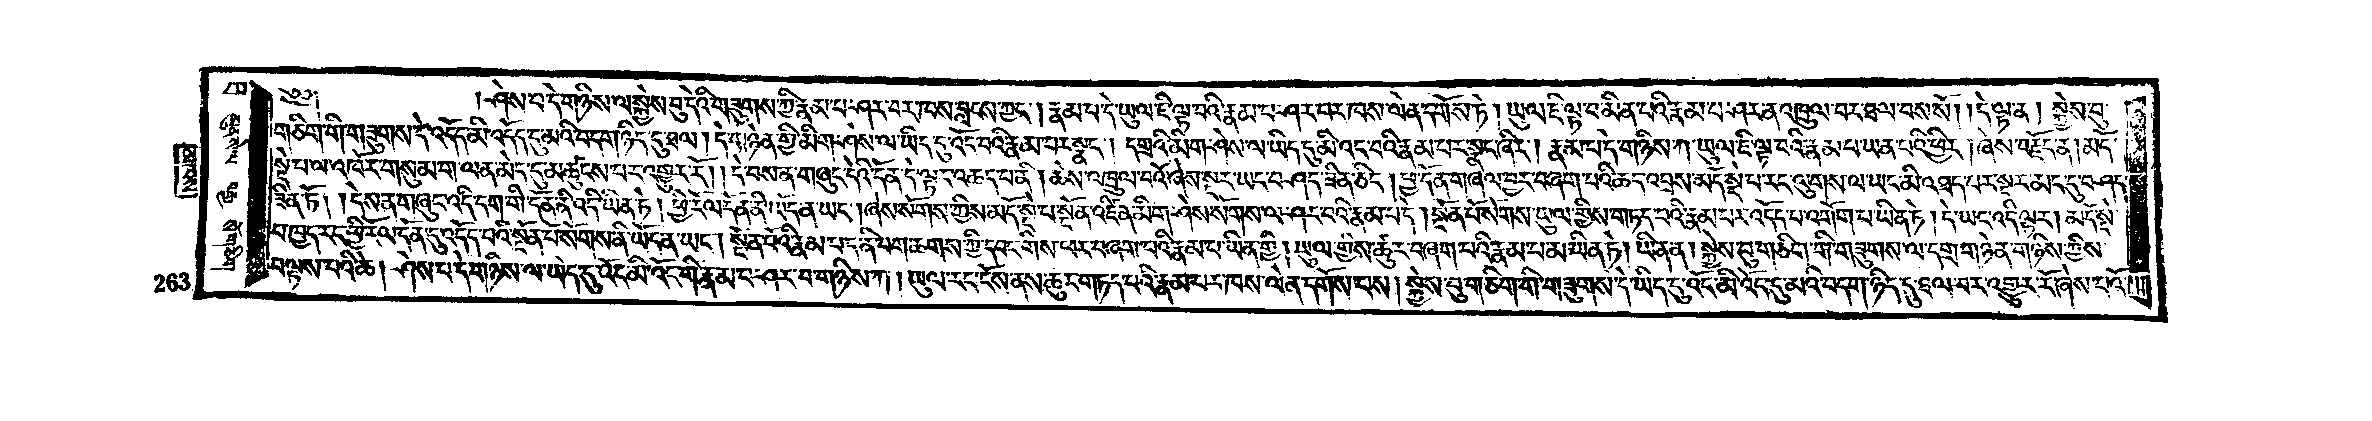༄༅། །ཤེས་པ་དེ་གཉིས་ལ་སྐྱེས་བུ་དེའི་གཟུགས་ཀྱི་རྣམ་པ་ཤར་བར་ཁས་བླངས་ཀྱང་། རྣམ་པ་དེ་ཡུལ་ཇི་ལྟ་བའི་རྣམ་པ་ཤར་བར་ཁས་ལེན་དགོས་ཏེ། ཡུལ་ཇི་ལྟ་བ་མིན་པའི་རྣམ་པ་ཤར་ན་འཁྲུལ་བར་ཐལ་བས་སོ། །དེ་ལྟ་ན། སྐྱེས་བུ་
གཅིག་གི་གཟུགས་དེ་འདོད་མི་འདོད་དུ་མའི་བདག་ཉིད་དུ་ཐལ། དེ་གཉེན་གྱི་མིག་ཤེས་ལ་ཡིད་དུ་འོང་བའི་རྣམ་པར་སྣང་། དགྲའི་མིག་ཤེས་ལ་ཡིད་དུ་མི་འོང་བའི་རྣམ་པར་སྣང་ཞིང་། རྣམ་པ་དེ་གཉིས་ཀ་ཡུལ་ཇི་ལྟ་བའི་རྣམ་པ་ཡིན་པའི་ཕྱིར། ཞེས་བརྗོད་ན། མདོ་
སྡེ་པ་ལ་འཁོར་གསུམ་ག་ལན་མེད་དུ་མཚུངས་པར་འགྱུར་རོ། །དེ་བས་ན་གཞུང་དེའི་དོན་དེ་ལྟར་འཆད་པ་ནི། ཆེས་འཁྲུལ་བའོ་ཞེས་སྔར་ཡང་བཤད་ཟིན་ཅིང་། ཕྱི་དོན་གཞལ་བྱར་བཞག་པའི་ཚད་འབྲས་མདོ་སྡེ་པ་རང་ལུགས་ལ་ཡང་མི་འཐད་པར་སྔར་མང་དུ་བཤད་
ཟིན་ཏོ། །དེས་ན་གཞུང་འདི་དག་གི་དོན་ནི་འདི་ཡིན་ཏེ། ཕྱི་རོལ་དོན་ནི་ཡོད་ན་ཡང་། ཞེས་སོགས་ཀྱིས་མདོ་སྡེ་པ་སྔོན་འཛིན་མིག་ཤེས་སོགས་ལ་ཤར་བའི་རྣམ་པ་དེ། སྔོན་པོ་སོགས་ཡུལ་གྱིས་གཏད་པའི་རྣམ་པར་འདོད་པ་འགོག་པ་ཡིན་ཏེ། དེ་ཡང་འདི་ལྟར། མདོ་སྡེ་
པ་ཁྱེད་རང་ཕྱི་རོལ་དོན་དུ་འདོད་པའི་སྔོན་པོ་སོགས་ནི་ཡོད་ན་ཡང་། སྔོན་པོའི་རྣམ་པ་དེ་ནི་བག་ཆགས་ཀྱི་དབང་གིས་ཕར་བཞག་བའི་རྣམ་པ་ཡིན་གྱི། ཡུལ་གྱིས་ཆུར་བཞག་པའི་རྣམ་པ་མ་ཡིན་ཏེ། ཡིན་ན། སྐྱེས་བུ་གཅིག་གི་གཟུགས་ལ་དགྲ་གཉེན་གཉིས་ཀྱིས་
བལྟས་པའི་ཚེ། ཤེས་པ་དེ་གཉིས་ལ་ཡིད་དུ་འོང་མི་འོང་གི་རྣམ་པ་ཤར་བ་གཉིས་ཀ། ཡུལ་རང་ངོས་ནས་ཚུར་གཏད་པའི་རྣམ་པར་ཁས་ལེན་དགོས་པས། སྐྱེས་བུ་གཅིག་གི་གཟུགས་དེ་ཡིད་དུ་འོང་མི་འོང་དུ་མའི་བདག་ཉིད་དུ་ཐལ་བར་འགྱུར་རོ་ཞེས་པའོ། །